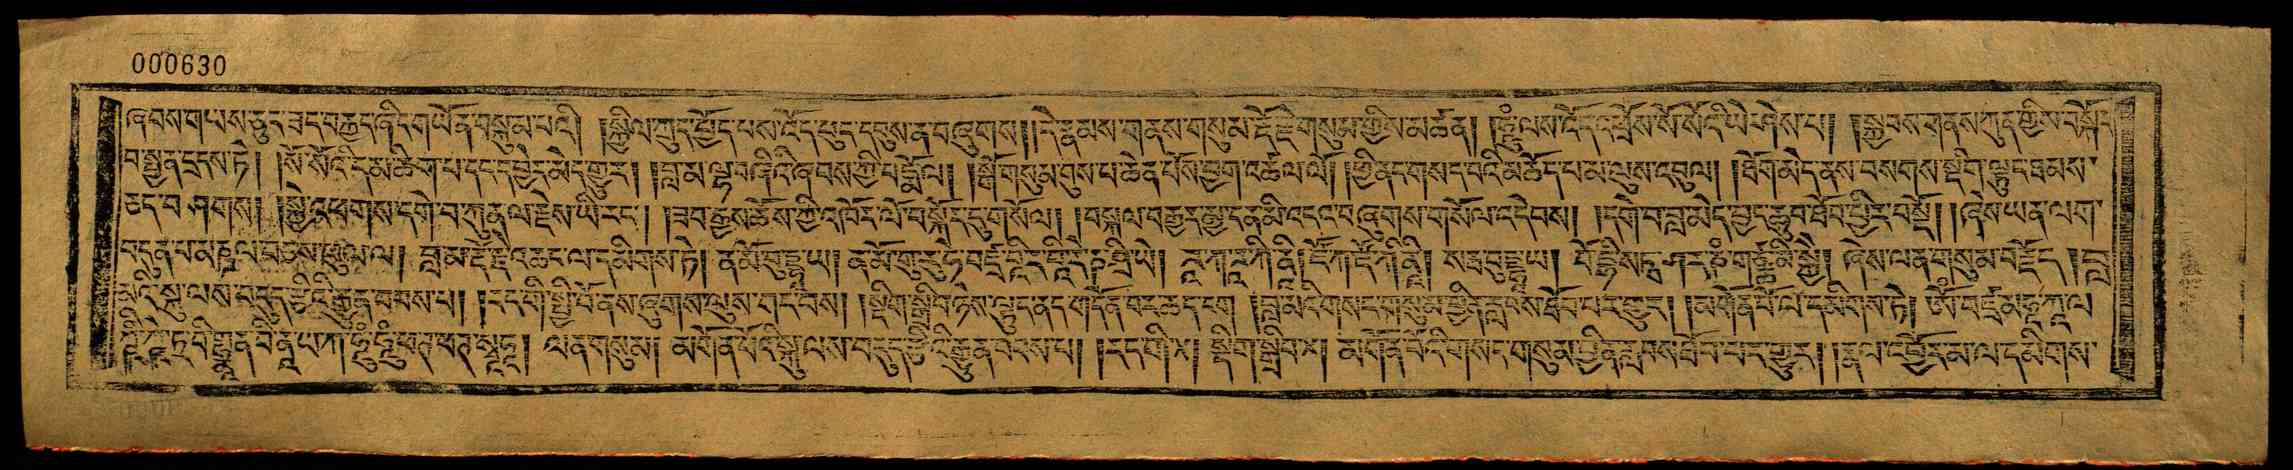གཡས་ཅུང་ཟད་བརྒྱང་ཞིང་གཡོན་བསྐུམ་པའི། །སྐྱིལ་ཀྲུང་ཕྱེད་པས་འོད་ཕུང་དབུས་ན་བཞུགས། །དེ་རྣམས་གནས་གསུམ་རྡོ་རྗེ་གསུམ་གྱིས་མཚན། །ཧཱུཾ་ལས་འོད་འཕྲོས་སོ་སོའི་ཡེ་ཤེས་པ། །སྐྱབས་གནས་ཀུན་གྱིས་བསྐོར་
སྤྱན་དྲངས་ཏེ། །སོ་སོའི་དམ་ཚིགས་དང་དབྱེར་མེད་གྱུར། །བླ་མ་ལྷ་བཞིའི་ཞབས་ཀྱི་པདམོ་ལ། །སྒོ་གསུམ་གུས་པ་ཆེན་པོས་ཕྱག་འཚལ་ལོ། །ཕྱི་ནང་གསང་བའི་མཆོད་པ་མ་ལུས་འབུལ། །ཐོག་མེད་ནས་བསགས་སྡིག་ལྟུང་ཐམས་
ཅད་བཤགས། །སྐྱེ་འཕགས་དགེ་བ་ཀུན་ལ་རྗེས་ཡི་རང་། །ཟབ་རྒྱས་ཆོས་ཀྱི་འཁོར་ལོ་བསྐོར་དུ་གསོལ། །བསྐལ་བརྒྱར་མྱ་ངན་མི་འདའ་བཞུགས་གསོལ་འདེབས། །དགེ་བ་བླ་མེད་བྱང་ཆུབ་ཐོབ་ཕྱིར་བསྔོ། །ཞེས་ཡན་ལག་
བདུན་པ་མཎྜལ་བཅས་ཕུལ་ལ། བླ་མ་རྡོ་རྗེ་འཆང་ལ་དམིགས་ཏེ། ན་མོ་ཧུདྡྷཱ་ཡ། ན་མོ་གུ་རུ་ཧེ་བཛྲ་བཱི་ར་བཱི་རི་ཎ་ཤྲི་ཡེ། ཌ༑ཨ་ཀ་ཌ༑ཨ་ཀི་ནཱི། ཛོ་ཀ་ཛོ་ཀི་ནཱི། སརྦ་བུདྡྷ་ཡ། བོ་དྷི་སཏྭ་ཤ་ར་ནཾ་གཙྪ་མི་སྐྱེ། ཞེས་ལན་གསུམ་བརྗོད། བླ་
མའི་སྐུ་ལས་བདུད་རྩིའི་རྒྱུན་བབས་པ། །རང་གི་སྤྱི་བོ་ནས་ཞུགས་ལུས་གང་བས། །སྡིག་སྒྲིབ་ཉེས་ལྟུང་ནད་གདོན་བར་ཆད་དག །བླ་མའི་གསང་གསུམ་བྱིན་རླབས་ཐོབ་པར་གྱུར། །མགོན་པོ་ལ་དམིགས་ཏེ། ཨོཾ་བཛྲ་མྷཱ་ཀཱ་ལ་
ཀྵི་ཀྵི་བི་བྷྣན་བི་ནཱ་ཡ་ཀ་ཧཱུཾ་ཧཱུཾ་ཕཊ་ཕཊ་སྭཱ་ཧཱ། ལན་གསུམ། མགོན་པོའི་སྐུ་ལས་བདུད་རྩིའི་རྒྱུན་བབས་པ། །རང་གི་྾། སྡིག་སྒྲིབ་྾། མགོན་པོའི་གསང་གསུམ་བྱིན་རླབས་ཐོབ་པར་གྱུར། །རྣལ་འབྱོར་མ་ལ་དམིགས་